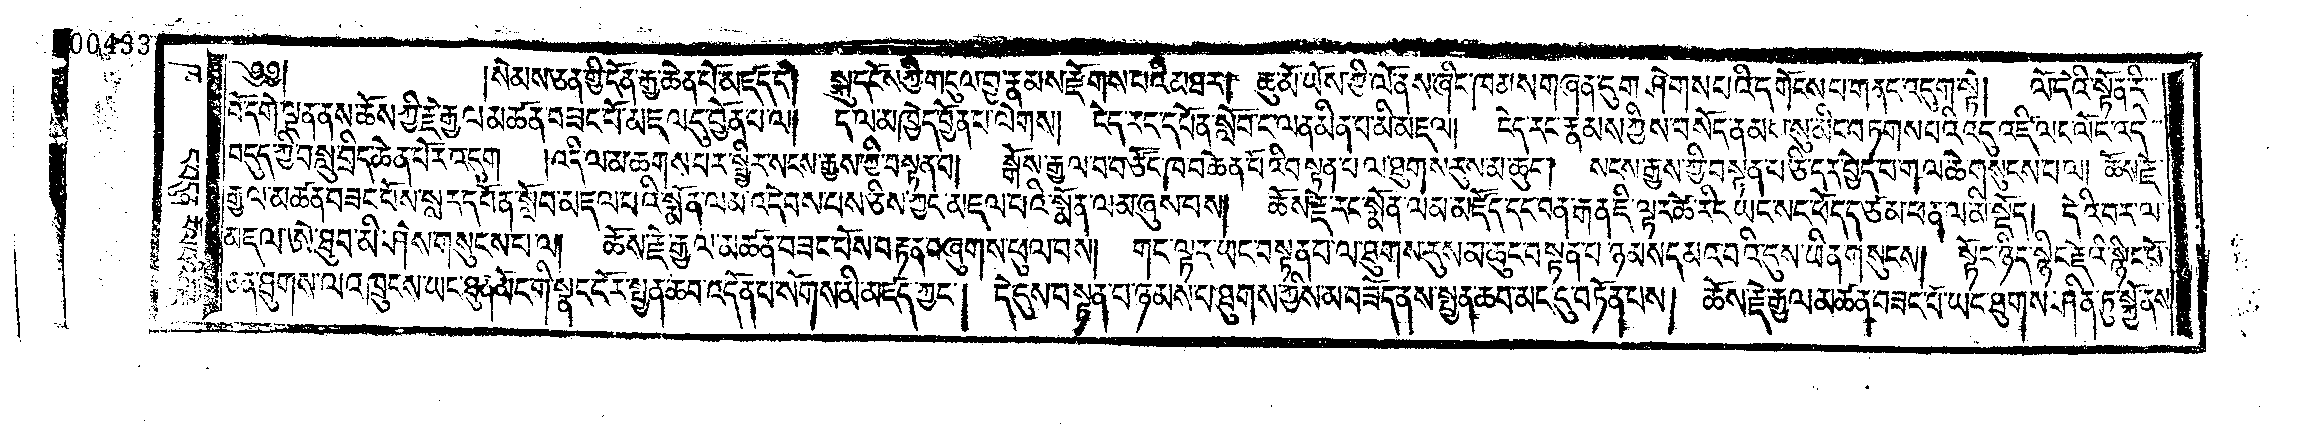༄༅། །སེམས་ཅན་གྱི་དོན་རྒྱ་ཆེན་པོ་མཛད་དེ། སྐུ་དངོས་ཀྱི་གདུལ་བྱ་རྣམས་རྫོགས་པའི་མཐར། ཆུ་མོ་ཡོས་ཀྱི་ལོ་ནས་ཞིང་ཁམས་གཞན་དུ་གཤེགས་པའི་དགོངས་པ་གནང་འདུག་སྟེ། ལོ་དེའི་སྟོན་རི་
བོ་དགེ་ལྡན་ནས་ཆོས་ཀྱི་རྗེ་རྒྱལ་མཚན་བཟང་པོ་མཇལ་དུ་བྱོན་པ་ལ། ད་ལམ་ཁྱེད་བྱོན་པ་ལེགས། ངེད་རང་དཔོན་སློབ་ད་ལན་མིན་པ་མི་མཇལ། ངེད་རང་རྣམས་ཀྱིས་བསོད་ནམས་སུ་མིང་བཏགས་པའི་འདུ་འཛི་ལང་ལོང་འདི་
བདུད་ཀྱི་བསླུ་བྲིད་ཆེན་པོར་འདུག །འདི་ལ་མ་ཆགས་པར་སྤྱིར་སངས་རྒྱས་ཀྱི་བསྟན་པ། སྒོས་རྒྱལ་བ་བཙོང་ཁ་པ་ཆེན་པོའི་བསྟན་པ་ལ་ཐུགས་རུས་མ་ཆུང་། སངས་རྒྱས་ཀྱི་བསྟན་པ་ཅི་ངར་བྱེད་པ་གལ་ཆེ་གསུངས་པ་ལ། ཆོས་རྗེ་
རྒྱལ་མཚན་བཟང་པོས་སླར་དཔོན་སློབ་མཇལ་པའི་སྨོན་ལམ་འདེབས་པས་ཅིས་ཀྱང་མཇལ་པའི་སྨོལ་ལམ་ཞུས་པས། ཆོས་རྗེ་རང་སྨོན་ལམ་མཛོད་དང་བན་རྒན་ཇི་ལྟར་ཚེ་རིང་ཡང་སང་ཕོད་ད་ཙམ་ཕན་ལ་མི་སྡོད། དེའི་བར་ལ་
མཇལ་ཨེ་ཐུབ་མི་ཤེས་གསུངས་པ་ལ། ཆོས་རྗེ་རྒྱལ་མཚན་བཟང་པོས་བརྟན་བཞུགས་ཕུལ་བས། གང་ལྟར་ཡང་བསྟན་པ་ལ་ཐུགས་རུས་མཆུང་བསྟན་པ་ཉམས་དམའ་པའི་དུས་ཡིན་གསུངས། སྟོང་ཉིད་སྙིང་རྗེའི་སྙིང་པོ་
ཅན་ཐུགས་ལ་འཁྲུངས་ཡང་ཐུན་མོང་གི་སྣང་ངོར་སྤྱན་ཆ་བ་འདོན་པ་སོགས་མི་མཛད་ཀྱང་། དེ་དུས་བསྟན་པ་ཉམས་པ་ཐུགས་ཀྱིས་མ་བཟོད་ནས་སྤྱན་ཆབ་མང་དུ་བཏོན་པས། ཆོས་རྗེ་རྒྱལ་མཚན་བཟང་པོ་ཡང་ཐུགས་ཤིན་ཏུ་སྐྱོ་ནས་